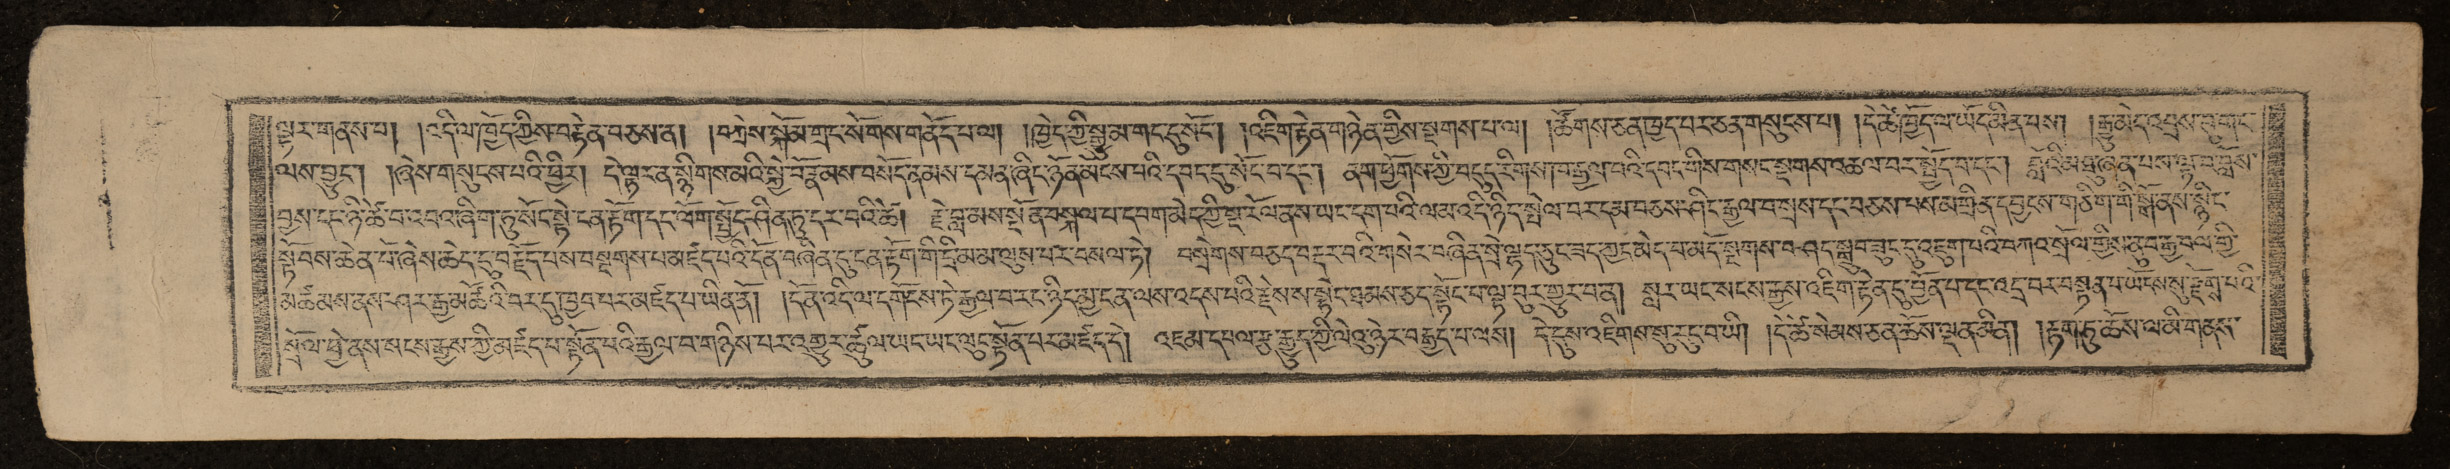ལྟར་གནས་པ། །འདི་ལ་ཁྱོད་ཀྱིས་བརྟེན་བཅས་ན། །བཀྲེས་སྐོམ་གྲང་སོགས་གནོད་པ་ལ། །ཁྱེད་ཀྱི་སྒྱུ་མ་གང་དུ་སོག། །འཇིག་རྟེན་གཉེན་གྱིས་སྔགས་པ་ལ། །ཚོགས་ཅན་ཁྱད་པར་ཅན་གསུངས་པ། །དེ་ཚོ་ཁྱོད་ལ་ཡོད་མིན་པས། །རྒྱུ་མེད་འབྲས་བུ་གང་
ལས་བྱུང་། །ཞེས་གསུངས་པའི་ཕྱིར། དེ་ལྟར་ན་སྙིགས་མའི་སྐྱེ་བོ་རྣམས་བསོད་ནམས་དམན་ཞིང་ཉོན་མོངས་པའི་དབང་དུ་སོང་བ་དང་། ནག་ཕྱོགས་ཀྱི་བདུད་རིགས་ཁ་རྒྱལ་བའི་དབང་གིས་གསང་སྔགས་འཆལ་བར་སྤྱོད་པ་དང་། བློའི་མཐུ་ཞན་པས་ལྟ་བ་བློས་
བྱས་དང་ཉི་ཚེ་བ་འབའ་ཞིག་ཏུ་སོང་སྟེང་ན་རྟོག་དང་ལོག་སྤྱོད་ཤིན་ཏུ་དར་བའི་ཚེ། རྗེ་བླ་མས་སྔོན་བསྐལ་པ་དཔག་མེད་ཀྱི་སྔ་རོལ་ནས་ཡང་དག་པའི་ལམ་འདི་ཉིད་སྤེལ་བར་དམ་བཅས་ཤིང་རྒྱལ་བ་སྨས་དང་བཅས་པས་མགྲིན་དབྱངས་གཅིག་གི་སྒོ་ནས་སྙིང་
སྟོབས་ཆེན་པོ་ཞེས་ཆེད་དུ་བརྗོད་པས་བསྔགས་པ་མཛད་པའི་དོན་བཞིན་དུ་ངན་རྟོག་གི་དྲི་མ་མ་ལུས་པར་བསལ་ཏེ། བསྲེགས་བཅད་བརྡར་བའི་གསེར་བཞིན་བསྲེ་ལྷད་ཅུང་ཟད་ཀྱང་མེད་པ་མདོ་སྔགས་བཤད་སྒྲུབ་ཟུང་དུ་འཇུག་པའི་བཀའ་སྲོལ་གྱིས་ནུབ་རྒྱ་བ་ལ་གྱི་
མཚམས་ནས་ཤར་རྒྱ་མཚོའི་པར་དུ་ཁྱབ་པར་མཛད་པ་ཡིན་ནོ། །དོན་འདི་ལ་དགོངས་ཏེ་རྒྱལ་བ་རང་ཉིད་མྱ་ངན་ལས་འདས་པའི་རྗེས་ས་སྟེང་ཐམས་ཅད་སྟོང་པ་ལྟ་བུར་གྱུར་པ་ན། སླར་ཡང་སངས་རྒྱས་འཇིག་རྟེན་དུ་བྱོན་པ་དང་འདྲ་བར་བསྟན་པ་ཡོངས་སུ་རྫོགས་པའི་
སྲོལ་ཕྱེ་ནས་སངས་རྒྱས་ཀྱི་མཛད་པ་སྟོན་པའི་རྒྱལ་པ་གཉིས་པར་འགྱུར་ཚུལ་ཡང་ཡང་ལུང་སྟོན་པར་མཛད་དེ། འཇམ་དཔལ་རྩ་རྒྱུད་ཀྱི་ལེའུ་ཉེར་བརྒྱད་པ་ལས། དེ་དུས་འཇིགས་སུ་རུང་བ་ཡི། །དེ་ཚེ་སེམས་ཅན་ཆོས་ལྡན་མིན། །རྟག་ཏུ་ཆོས་ལ་མི་གནས་